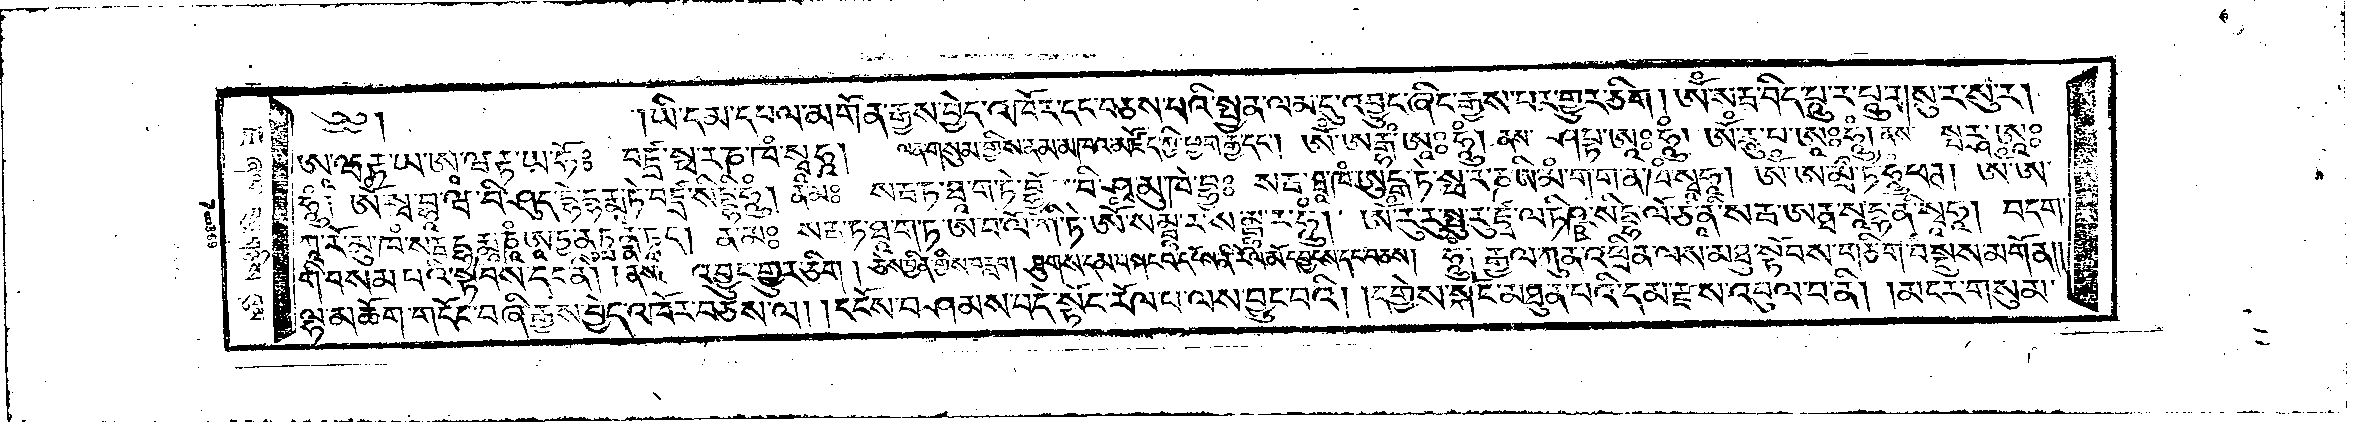༄༅། །ཡི་དམ་དཔལ་མགོན་རྒྱས་བྱེད་འཁོར་དང་བཅས་པའི་སྤྱན་ལམ་དུ་འབྱུང་ཞིང་རྒྱས་པར་གྱུར་ཅིག །ཨོཾ་སརྦ་བིད་བཱུ་ར་པཱུ་ར། སུ་ར་སུ་ར།
ཨཱ་ཝརྟ་ཡ་ཨཱ་ཝརྟ་ཡ་ཧོཿབཛྲ་སྥ་ར་ཎ་ཁཾ་སྭཱཧཱ། ལན་གསུམ་གྱིས་ནམ་མཁའ་མཛོད་ཀྱི་ཕྱག་རྒྱ་དང་།  ཨོཾ་ཨརྒྷཾ་ཨཱཿཧཱུཾ། ནས་ཤཔྟ་ཨཱཿཧཱུཾ། ཨོཾ་རཱུ་པ་ཨཱཿཧཱུཾ། ནས་སྤརྴ་ཨཱཿ
ཧཱུཾ༑ ཨོཾ་སྭ་བྷཱ་ཝ་བི་ཤུད་དྷེ་དྷརྨཱ་ཏེ་བཛྲ་སིདྡྷི་ཧཱུཾ། ན་མཿ སརྦ་ཏ་ཐཱ་ག་ཏེ་བྷྱོ་བི་ཤྭ་མུ་ཁེ་བྷྱཿ སརྦ་ཐཱ་ཁཾ་ཨུངྒ་ཏེ་སྥ་ར་ཎ་ཨི་མཾ་ག་ག་ན་ཁཾ་ས་ཧ། ཨོཾ་ཨ་མྲྀ་ཏ་ཧཱུཾ་ཕཊ། ཨོཾ་ཨ་
ཀཱ་རོ་མུ་ཁཾ་སརྦ་དྷརྨཱ་ཎཱཾ་ཨཱ་དྱ་ནུ་ཏྤནྣ་ཏྭཱ་ད། ན་མཿ སརྦ་ཏ་ཐཱ་ག་ཏ་ཨ་བ་ལོ་ཀི་ཏེ་ཨོཾ་སམྦྷྱ་ར་སམྦྷ་ར་ཧཱུཾ། ཨོཾ་རུ་རུ་སྤུ་རུ་ཛྭ་ལ་ཏིཥཊཿཨ་སིདྡྷ་ལོ་ཙ་ན་སརྦ་ཨརྠ་སདྷ་ནི་སྭཱཧཱ། བདག་
གི་བསམ་པའི་སྟབས་དང་ནི། ནས༑ འབྱུང་གྱུར་ཅིག་།ཅེས་བྱིན་གྱིས་བརླབ། ཐུགས་དམ་བསྐང་བ་དངོས་ནི་རོལ་མོ་དབྱངས་དང་བཅས།  ཧཱུཾ༑ རྒྱལ་ཀུན་འཕྲིན་ལས་མཐུ་སྟོབས་གཅིག་བསྡུས་མགོན།།
ལྷ་མཆོག་གདོང་བཞི་རྒྱས་བྱེད་འཁོར་བཅས་ལ། །དངོས་བཤམས་བདེ་སྟོང་རོལ་པ་ལས་བྱུང་བའི། །དགྱེས་སྐོང་མཐུན་པའི་དམ་རྫས་འབུལ་བ་ནི། །ངར་གསུམ།